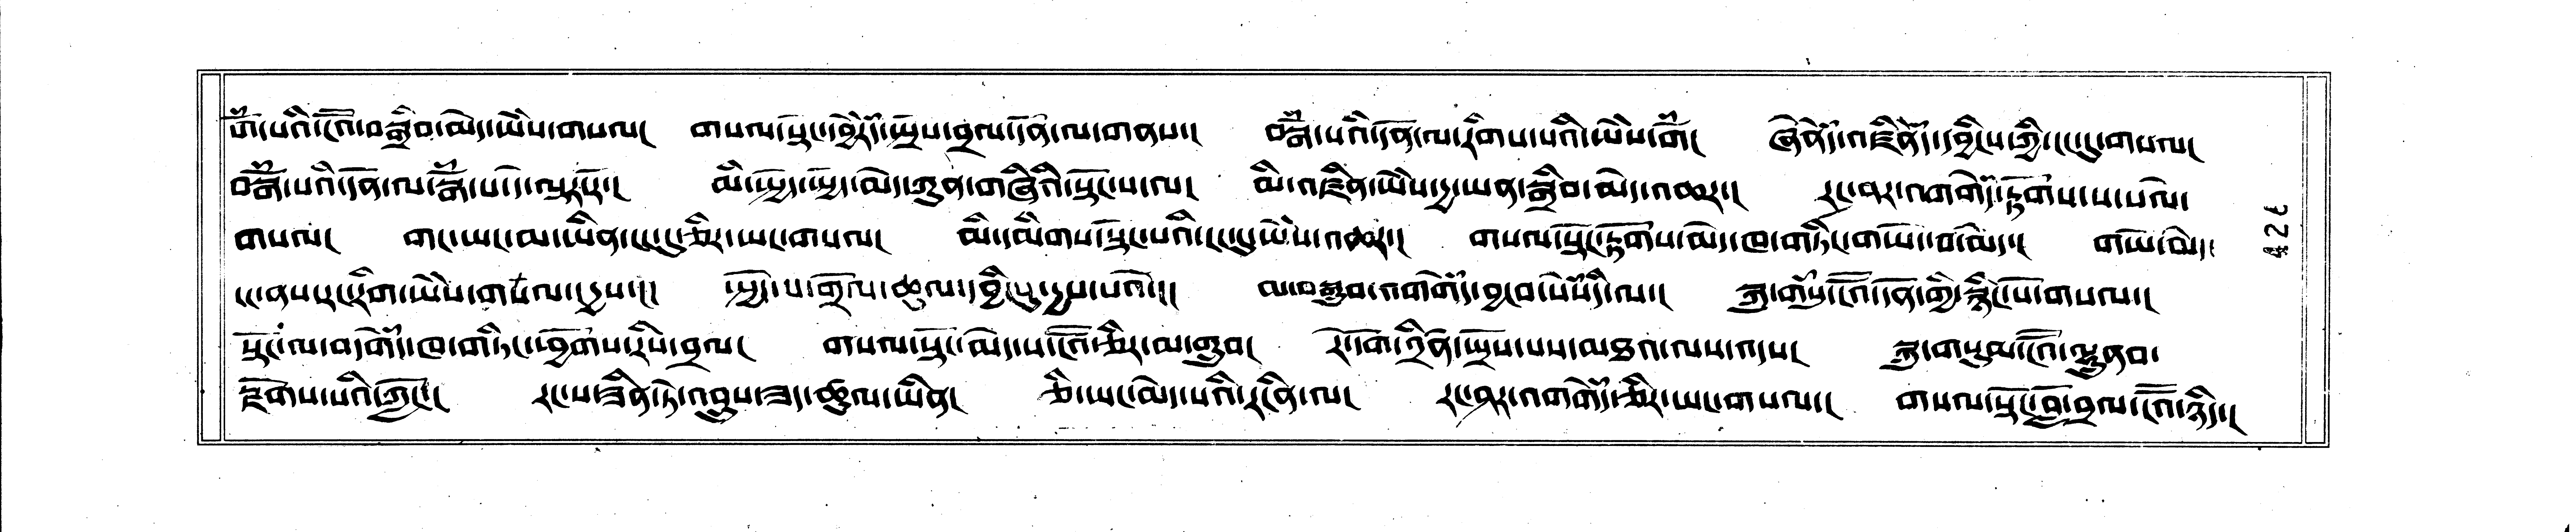གོམ་པའི་ངོའོ་སྒྲིབ་མེད་ཡེ་ཤེས་གསལ། གསལ་སྟོང་དབྱེར་མེད་སྤྲོས་བྲལ་དོན་ལ་གནས། བསྒོམ་མེད་དོན་ལ་རང་རིག་ཡེ་ཤེས་གོམ། ཞན་༼ཞེན༽མེད་འཛིན་མེད་དབྱིངས་ཀྱི་ངང་དུ་གསལ། 
བསྒོམ་པའི་དོན་ལ་གོམ་པ་དེ་ལྟར་རོ། མི་སྤྱོད་གཡོ་མེད་ཀུན་གཞི་སྟོང་པ་ལ། མི་འཛིན་ཡེ་ཤེས་རྒྱ་ཡན་བསྒྲིབ་མེད་འཆར། རང་ཤར་གྷག་(འགག)མེད་རྟོག་པ་སལེ་
གསལ། གང་ཡང་མ་ཡིན་ངང་དུ་ཅིར་ཡང་གསལ། དམིག་མེད་སྟོང་པའི་ངང་དུ་ཡེ་ཤེས་འཆར། གསལ་སྟོང་རྟོག་མེད་མཁའ་གཏིང་གཡོ་བ་མེད། གཡོ་མེད་
ངང་ནས་རང་རིག་ཡེ་ཤེས་རྒྱས། སྤྱོད་པའི་གྲོལ་ཚུལ་དབྱིངས་སུ་རྒྱས་པའོ། མ་བསྒྲུབ་གྷག་(འགག)མེད་བྱང་ཆུབ་སེམས་ཉིད་ལ། སྐུ་གསུམ་ངོའོ་དོན་གྱིས་སྙིང་པོར་གསལ།
 སྟོང་ལ་བདག་མེད་མཁའ་གཏིང་ཕྱོགས་རིས་བྲལ། གསལ་ལ་རྟོག་མེད་ངོའོ་ཅིར་མ་གྲུབ། རེ་དོག་གཉིས་འཛིན་སྤྲོས་པའི་མཐའ་ལས་འདས། སྐུ་གསུམ་ངོའོ་ལྷུན་གྲུབ་
རྫོགས་པའི་ཀློང་། རང་ས་ཟིན་ཏེ་འབྲས་བུའི་ཟད་ཚུལ་ཡིན། ཅིར་ཡང་མེད་པའི་རང་བཞིན་ལ། རང་ཤར་གྷག་(འགག)མེད་ཅིར་ཡང་གསལ། གསལ་སྟོང་བློ་བྲལ་ངོའོ་ཉིད།